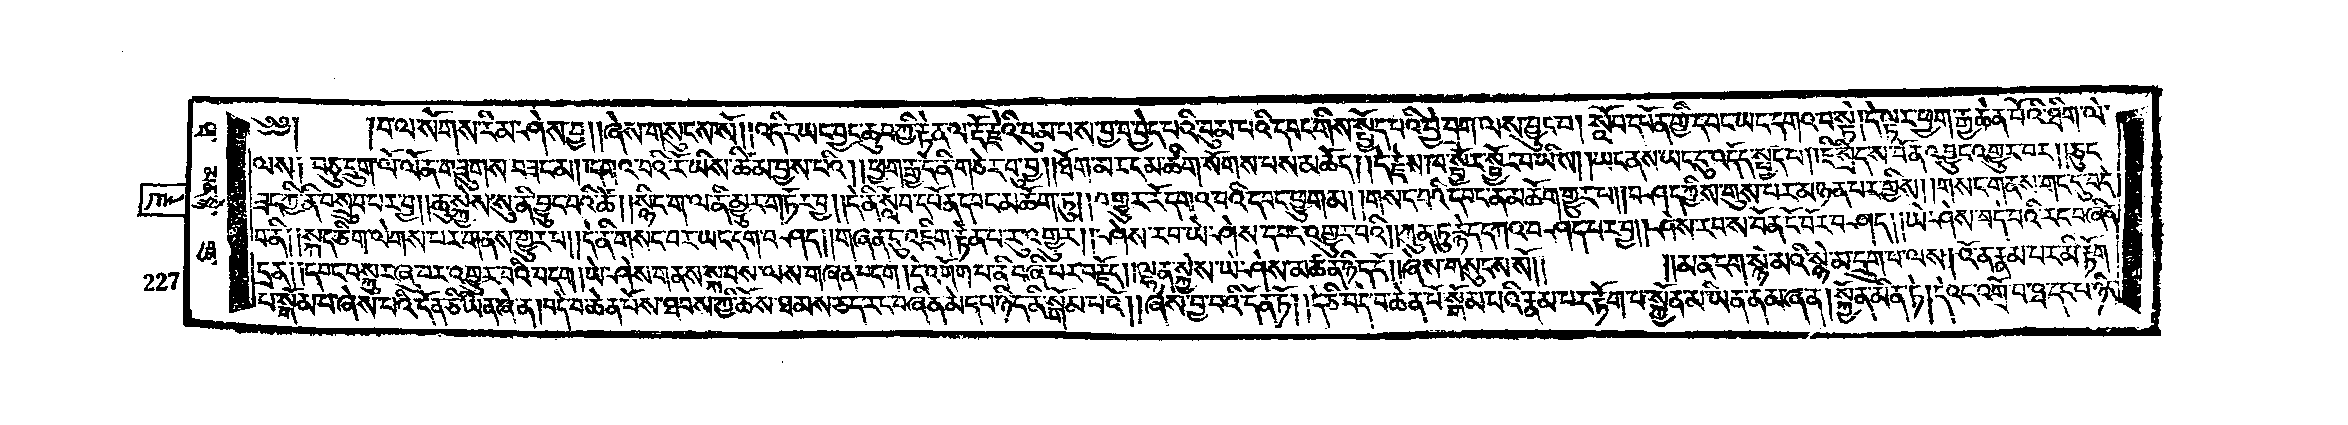༄༅། །བ་ལ་སོགས་རིམ་ཤེས་བྱ། །ཞེས་གསུངས་སོ། །འདིར་ཡང་བྱང་ཆུབ་ཀྱི་རྟེན་ལ་རྡོ་རྗེའི་བུམ་པས་བྱ་བ་བྱེད་པའི་བུམ་པའི་དབང་གིས་སྤྱོད་པའི་བྱེ་བྲག་ལས་བྱུང་བ། སློབ་དཔོན་གྱི་དབང་ཡང་དགའ་བ་སྟེ། དེ་ལྟར་ཕྱག་རྒྱ་ཆེན་པོའི་ཐིག་ལེ་
ལས། བཅུ་དྲུག་ལོ་ལོན་གཟུགས་བཟང་མ། །དགའ་བའི་རོ་ཡིས་ཚིམ་བྱས་པའི། །ཕྱག་རྒྱ་དེ་ནི་གཅེར་བུ་བྱ། །ཐོག་མར་དམ་ཚིག་སོགས་པས་མཆོད། །དེ་རྗེས་ཁ་སྦྱོར་སྦྱོར་བ་ཡིས། །ཡང་ནས་ཡང་དུ་འདོད་སྤྱད་པ། །ཇི་སྲིད་ས་བོན་འབྱུང་འགྱུར་བར། །ཅུང་
ཟད་ཀྱི་ནི་བསྲུབ་པར་བྱ། །ཆུ་སྐྱེས་སུ་ནི་བྱུང་བའི་ཚེ། །སྙིང་ག་ལ་ནི་མྱུར་གཏོར་བྱ། །དེ་ནི་སློབ་དཔོན་དབང་མཆོག་ཏུ། །འགྱུར་རོ་དགའ་བའི་དབང་ཕྱུག་མ། །གསང་བའི་དབང་ནི་མཆོག་གྱུར་པ། །བཤད་ཀྱིས་གུས་པར་མཉན་པར་གྱིས། །གསང་གནས་གང་དུ་བདེ་
བ་ནི། །སྐད་ཅིག་ལེགས་པར་གནས་གྱུར་པ། །དེ་ནི་གསང་བར་ཡང་དག་བཤད། །གཞན་དུ་འཇིག་རྟེན་པ་རུ་འགྱུར། །ཤེས་རབ་ཡེ་ཤེས་དབང་འགྱུར་བའི། །ཀུན་ཏུ་རྙེད་དཀའ་བཤད་པར་བྱ། །ཤེས་རབ་ས་བོན་ངོ་བོར་བཤད། །ཡེ་ཤེས་བདེ་བའི་རང་བཞིན་
དྲན། །དབང་བསྐུར་ཞུ་བར་འགྱུར་བའི་བདག །ཡེ་ཤེས་གནས་སྐབས་ལས་གཞན་བདག །དེ་འགོག་པ་ནི་བཞི་པར་བརྗོད། །ལྷན་སྐྱེས་ཡེ་ཤེས་མཚན་ཉིད་དོ། །ཞེས་གསུངས་སོ།། །།མན་ངག་སྙེ་མའི་སྙེ་མ་དྲུག་པ་ལས། འོ་ན་རྣམ་པར་མི་རྟོག་
པ་སྒོམ་པ་ཞེས་པའི་དོན་ཅི་ཡིན་ཞེ་ན། བདེ་བ་ཆེན་པོས་ཐབས་ཀྱི་ཆོས་ཐམས་ཅད་རང་བཞིན་མེད་པ་ཉིད་ནི་སྒོམ་པའོ། །ཞེས་བྱ་བའི་དོན་ཏོ། །དེ་ཅི་བདེ་བ་ཆེན་པོ་སྒོམ་པའི་རྣམ་པར་རྟོག་པ་སྐྱོན་མ་ཡིན་ནམ་ཞེ་ན། སྐྱོན་མིན་ཏེ། དེའང་འགྲོ་བ་ཐ་དད་པ་ཉིད་